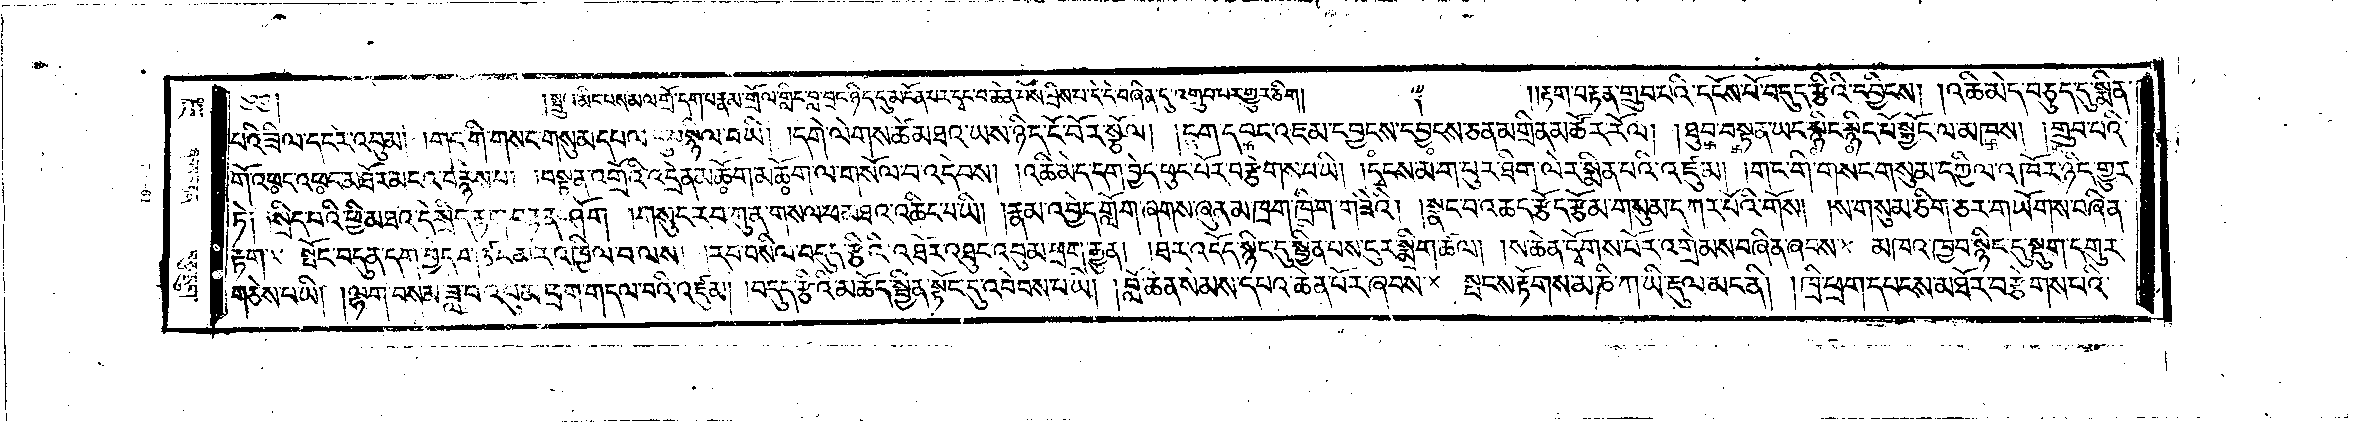༄༅། །སྤྲུལ་མིང་བསམ་ལ་གྲོ་དག་པ་རྣམ་གྲོལ་གླིང་བླ་བྲང་ཉིད་དུ་མངོན་པར་དྭང་བ་ཆེན་པོས་གྲིས་པ་དེ་དེ་བཞིན་དུ་འགྲུབ་པར་གྱུར་ཅིག །  ༈ །།རྟག་བརྟན་གྲུབ་པའི་དངོས་པོ་བདུད་རྩིའི་དབྱིངས། །འཆི་མེད་བཅུད་དུ་སྨིན་
པའི་ཟིལ་དངར་འབུམ། །གང་གི་གསང་གསུམ་དཔལ་དུ་བསྙིལ་བ་ཡི། །དགེ་ལེགས་ཚེ་མཐའ་ཡས་ཉིད་ངོ་བོར་སྩོལ། །ངག་དབང་འཇམ་དབྱངས་དབྱངས་ཅན་མགྲིན་མཚོར་རོལ། །ཐུབ་བསྟན་ཡང་སྙིང་སྙིང་པོ་སྐྱོང་ལ་མཁས། །གྲུབ་པའི་
གོ་འཕང་འཕང་མཐོར་མངའ་བརྙེས་པ། །བསྟན་འགྲོའི་འདྲེན་མཆོག་མཆོག་ལ་གསོལ་བ་འདེབས། །འཆི་མེད་དག་བྱེད་ཕུང་པོར་བརྩེགས་པ་ཡི། །དྭངས་མ་ག་པུར་ཐིག་ལེར་སྨིན་པའི་འཛུམ། །གང་གི་གསང་གསུམ་དཀྱིལ་འཁོར་ཉིད་གྱུར་
ཏེ༑ །སྲིད་པའི་ཕྱི་མཐའ་དེ་སྲིད་རྟག་བརྟན་ཤོག །གསུང་རབ་ཀུན་གསལ་ཕ་མཐའ་འཆིང་བ་ཡི། །རྣམ་འབྱེད་གློག་ཞགས་ཞུན་མ་ཁྲག་ཁྲིག་གཟིའི། །སྣང་བ་འཆད་རྩོད་རྩོམ་གསུམ་དཀར་པོའི་གོས། །ས་གསུམ་ཅིག་ཅར་གཡོགས་བཞིན་
རྟག་྾་སྤོང་བདུན་དག་བྱེད་གཙང་མར་འཁྱིལ་པ་ལས། །རབ་བསིལ་བདུད་རྩིའི་འཐོར་འཐུང་འབུམ་ཕྲག་རྒྱུན། །ཐར་འདོད་སྙིང་དུ་སྦྱིན་པས་ངུར་སྨྲིག་ཚལ། །ས་ཆེན་དྭོགས་པོར་འགྲེམས་བཞིན་ཞབས་྾་མཁའ་ཁྱབ་སྙིང་དུ་སྡུག་དགུང་
གཅེས་པ་ཡི། །ལྷག་བསམ་ཟླ་བ་འབུམ་ཕྲག་གདལ་བའི་འཛུམ། །བདུད་རྩིའི་མཆོད་སྦྱིན་སྟོང་དུ་འབེབས་པ་ཡི། །བློ་ཆེན་སེམས་དཔའ་ཆེན་པོར་ཞབས་྾་སྤངས་རྟོགས་མ་ཎི་ཀ་ཡི་རྡུལ་མང་ནི། །ཁྲི་ཕྲག་དཔངས་མཐོར་བརྩེགས་པའི་